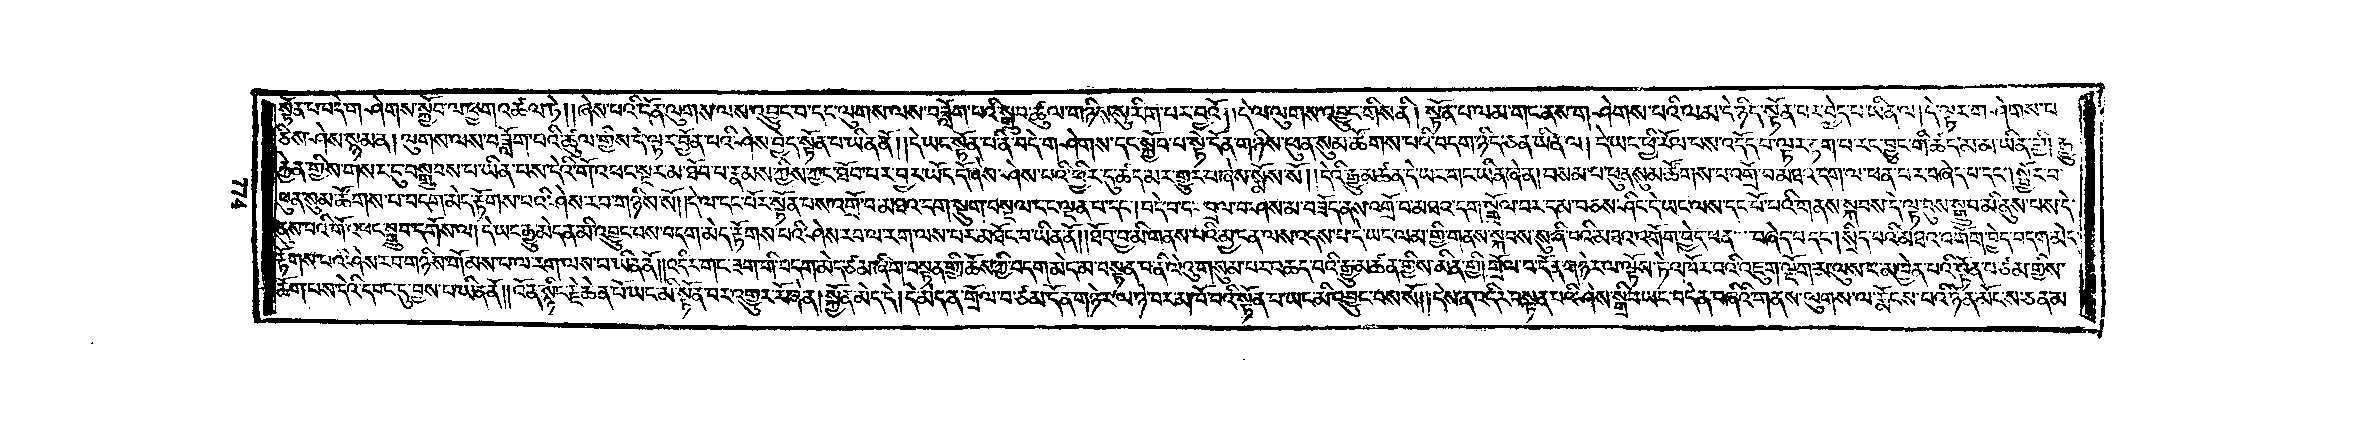སྟོན་པ་བདེ་གཤེགས་སྐྱོབ་ལ་ཕྱག་འཚལ་ཏེ། །ཞེས་པའི་དོན་ལུགས་ལས་འབྱུང་བ་དང་ལུགས་ལས་བཟློག་པའི་སྒྲུབ་ཚུལ་གཉིས་སུ་རིག་པར་བྱའོ། །དེ་ལ་ལུགས་འབྱུང་གིས་ནི། སྟོན་པ་ལམ་གང་ནས་གཤེགས་པའི་ལམ་དེ་ཉིད་སྟོན་པར་བྱེད་པ་ཡིན་ལ། དེ་ལྟར་གཤེགས་པ་
ཅིས་ཤེས་སྙམ་ན། ལུགས་ལས་བཟློག་པའི་ཚུལ་གྱིས་དེ་ལྟར་བྱོན་པའི་ཤེས་བྱེད་སྟོན་པ་ཡིན་ནོ། །དེ་ཡང་སྟོན་པ་ནི་བདེ་གཤེགས་དང་སྐྱོབ་པ་སྟེ་དོན་གཉིས་ཕུན་སུམ་ཚོགས་པའི་བདག་ཉིད་ཅན་ཡིན་ལ། དེ་ཡང་ཕྱི་རོལ་པས་འདོད་པ་ལྟར་རྟག་པ་རང་བྱུང་གི་ཚད་མ་མ་ཡིན་གྱི། རྒྱུ་
རྐྱེན་གྱིས་གསར་དུ་བསྒྲུབས་པ་ཡིན་པས་དེའི་གོ་འཕང་སྔར་མ་ཐོབ་པ་རྣམས་ཀྱིས་ཀྱང་ཐོབ་པར་བྱར་ཡོད་དོ་ཞེས་ཤེས་པའི་ཕྱིར་དུ་ཚད་མར་གྱུར་པ་ཞེས་སྨོས་སོ། །དེའི་རྒྱུ་མཚན་དེ་ཡང་གང་ཡིན་ཞེ་ན། བསམ་པ་ཕུན་སུམ་ཚོགས་པ་འགྲོ་བ་མཐའ་དག་ལ་ཕན་པར་བཞེད་པ་དང་། སྦྱོར་བ་
ཕུན་སུམ་ཚོགས་པ་བདག་མེད་རྟོགས་པའི་ཤེས་རབ་གཉིས་སོ། །དེ་ལ་དང་པོར་སྟོན་པས་འགྲོ་བ་མཐའ་དག་སྡུག་བསྔལ་དང་ལྡན་པ་དང་། བདེ་བ་དང་བྲལ་བ་ཤས་མ་བཟོད་ནས་འགྲོ་བ་མཐའ་དག་སྒྲོལ་བར་དམ་བཅས་ཤིང་དེ་ཡང་ལས་དང་པོ་པའི་གནས་སྐབས་དེ་ལྟ་བུས་སྒྲུབ་མི་ནུས་པས་དེ་
ནུས་པའི་གོ་འཕང་སྒྲུབ་དགོས་ལ། དེ་ཡང་རྒྱུ་མེད་ན་མི་འབྱུང་བས་བདག་མེད་རྟོགས་པའི་ཤེས་རབ་ལ་རག་ལས་པར་མཐོང་བ་ཡིན་ནོ། །ཐོབ་བྱ་མི་གནས་པའི་མྱ་ངན་ལས་འདས་པ་དེ་ཡང་ལམ་གྱི་གནས་སྐབས་སུ་ཞི་བའི་མཐའ་འགོག་བྱེད་ཕན་བཞེད་པ་དང་། སྲིད་པའི་མཐའ་འགོག་བྱེད་བདག་མེད་
རྟོགས་པའི་ཤེས་རབ་གཉིས་གོམས་པ་ལ་རག་ལས་པ་ཡིན་ནོ། །འདིར་གང་ཟག་གི་བདག་མེད་ཙམ་ཞིག་བསྟན་གྱི་།ཆོས་ཀྱི་བདག་མེད་མ་བསྟན་པ་ནི་ལེའུ་གསུམ་པར་འཆད་པའི་རྒྱུ་མཚན་གྱིས་མིན་གྱི་། གྲོལ་བ་དོན་གཉེར་ལ་ལྟོས་ཏེ་འཁོར་བའི་འཇུག་ལྡོག་མ་ལུས་པ་མཁྱེན་པའི་སྟོན་པ་ཙམ་གྱིས་
ཆོག་པས་དེའི་དབང་དུ་བྱས་པ་ཡིན་ནོ། །འོན་སྙིང་རྗེ་ཆེན་པོ་ཡང་མི་སྟོན་པར་འགྱུར་རོ་ཞེ་ན། སྐྱོན་མེད་དེ། དེ་མེད་ན་གྲོལ་བ་ཙམ་དོན་གཉེར་ལ་ཉེ་བར་མཁོ་བའི་སྟོན་པ་ཡང་མི་འབྱུང་བས་སོ། །དེས་ན་འདིར་བསྟན་པའི་ཤེས་སྒྲིབ་ཡང་བདེན་བཞིའི་གནས་ལུགས་ལ་རྨོངས་པའི་ཉོན་མོངས་ཅན་མ་